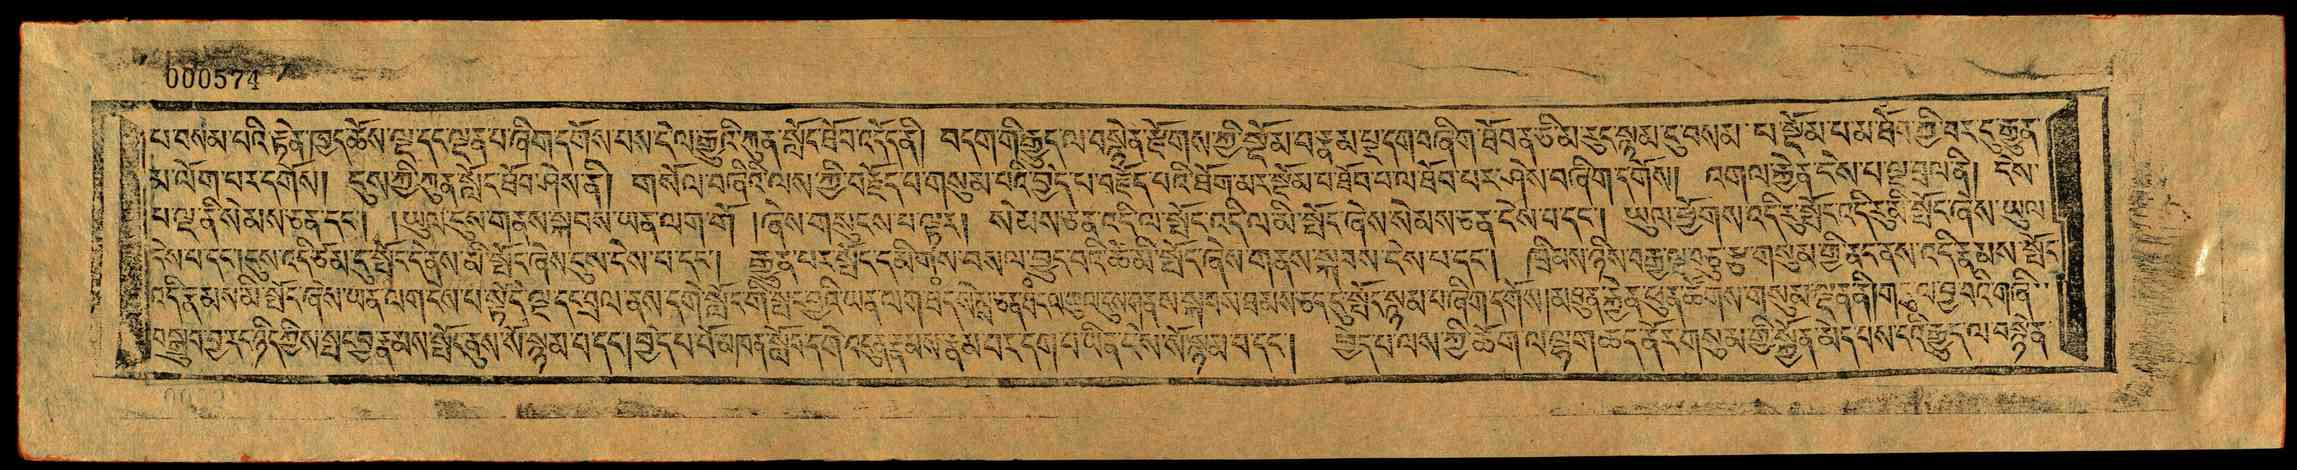པ་བསམ་པའི་རྟེན་ཁྱད་ཆོས་སྔ་དང་ལྡན་པ་ཞིག་དགོས་བས་དེ་ལ་རྒྱུའི་ཀུན་སློང་ཐོབ་འདོད་ནི། བདག་གི་རྒྱུད་ལ་བསྙེན་རྫོགས་ཀྱི་སྡོམ་པ་རནམ་བར་དག་པ་ཞིག་ཐོབ་ན་ཅི་མ་རུང་སྙམ་དུ་བསམ་པ་སྡོམ་པ་མ་ཐོབ་ཀྱི་བར་དུ་རྒྱུན་
མ་ལོག་པར་དགོས། དུས་ཀྱི་ཀུན་སློང་ཐོབ་ཤེས་ནི། གསོལ་བཞིའི་ལས་ཀྱི་བརྗོད་པ་གསུམ་པའི་བྱེད་པ་བརྗོད་པའི་ཐོག་མར་སྔོམ་པ་ཐོབ་པར་ཤེས་པ་ཞིག་དགོས། འགལ་རྐྱེན་ངེས་པ་སྔ་བྲལ་ན། དེས་
པ་ལྔ་ནི་སེམས་ཅན་དང་། །ཡུལ་དུས་གནས་སྐབས་ཡན་ལག་གོ །ཞེས་གསུངས་པ་ལྟར། སེམས་ཅན་འདི་ལ་སྤོང་འདི་ལ་མི་སྤོང་ཞེས་སེམས་ཅན་ངེས་པ་དང་། ཡུལ་ཕྱོགས་འདི་རུ་སྤོང་འདི་རུ་མི་སྤོང་ཞེས་ཡུལ་
ངེས་པ་དང་། དུས་འདི་ཙམ་དུ་སྤོང་དེ་ནས་མི་སྤོང་ཞེས་དུས་ངེས་པ་དང་རྒྱུན་པར་སྤོང་དམིགས་བསལ་བྱུང་བའི་ཚེ་མི་སྤོང་ཞེས་གནས་སྐབས་ངེས་པ་དང་། ཁྲིམས་ཉིས་བརྒྱ་སྔ་བཅུ་རྩ་གསུམ་གྱི་ནང་ནས་འདི་རྣམས་སྤོང་
འདི་རྣམས་མི་སྤོང་ཞེས་ཡན་ལག་རེས་པ་སྟེ་དེ་ལྔ་དང་བྲལ་ནས་དགེ་སློང་གི་སྤང་བྱའི་ཡན་ལག་ཐདཾ་སེམས་ཅན་ཐདཾ་ལ་ཡུལ་དུས་གནས་སྐྦས་ཐམས་ཅད་དུ་སྤོང་སྙམ་པ་ཞིག་དགོས། མཐུན་རྐྱེན་ཕུན་ཚོགས་གསུམ་ལྡན་ནི། གང་ལ་བྱ་བའི་གཞི།
བསྒྲུབ་བྱ་རང་ཉིད་ཀྱིས་སྤང་བྱ་རྣམས་སྤོང་ནུས་སོ་སྙམ་པ་དང་། བྱེད་པ་པོ་མཁན་སློབ་དགེ་འདུན་རྣམས་རྣམ་པར་དག་པ་ཡིན་ངེས་སོ་སྙམ་པ་དང་། བྱེད་པ་ལས་ཀྱི་ཆོག་ལ་ལྷག་ཆད་ནོར་གསུམ་གྱི་སྐྱོན་མེད་པས་ངའི་རྒྱུད་ལ་བསྙེན་